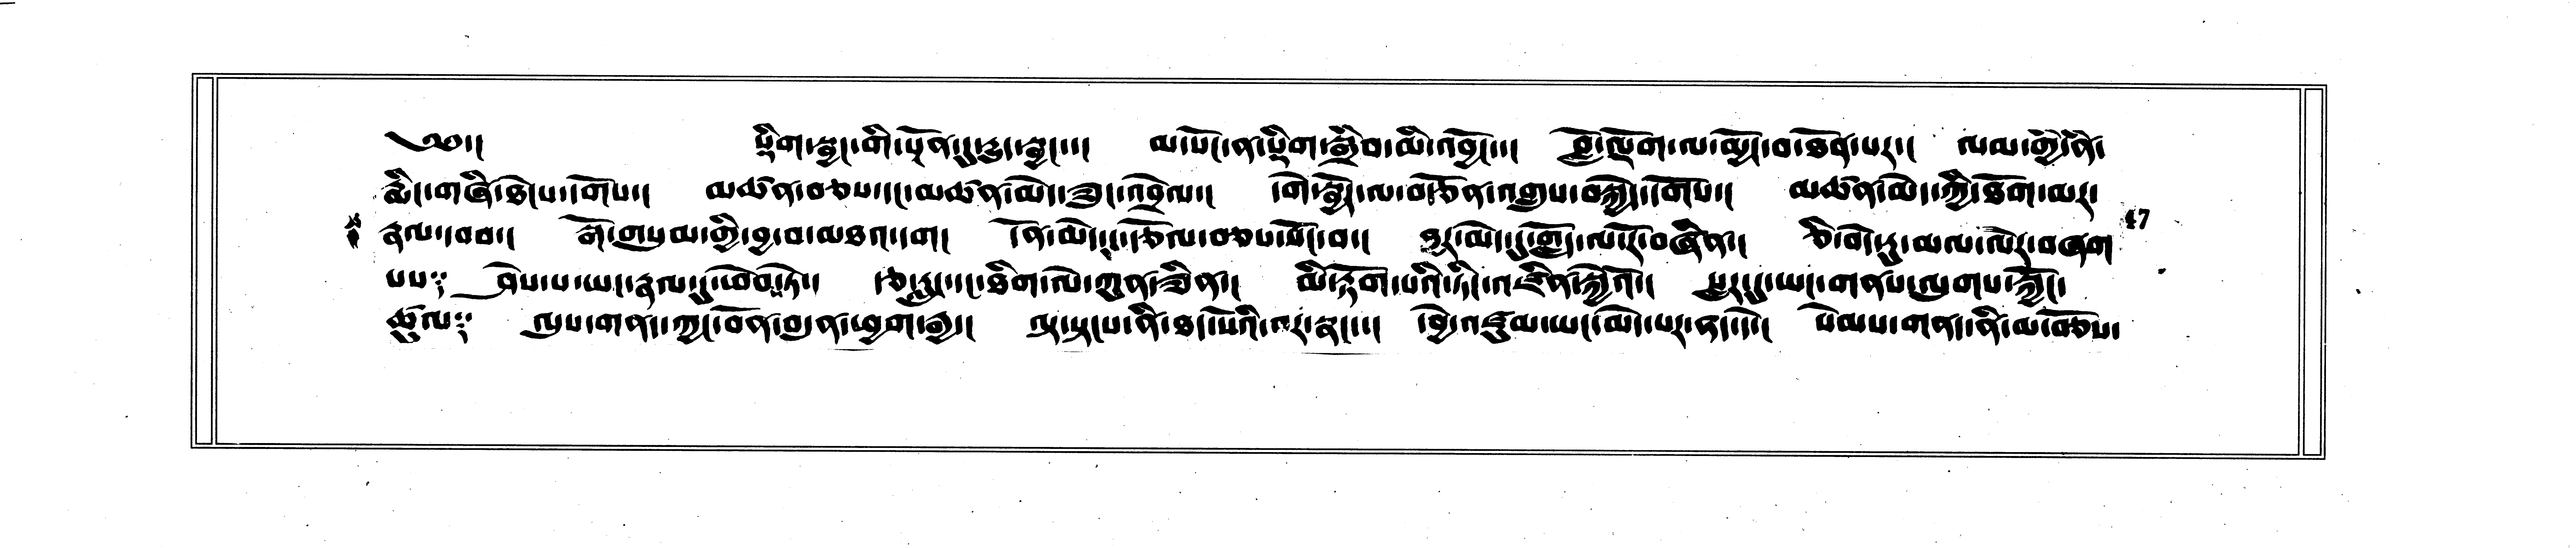སྡིག་སྦྱོང་གི་སྔོན་དུ་རྒྱུད་སྦྱོང་། །མ་སོང་ན་སྡིག་སྒྲིབ་མི་འབྱོངས། །བློ་ལྡོག་ལ་མྱོང་བ་ཐོན་པར། །ལམ་གྱི་ནི་
རྨེང་གཞི་ཐིངས་དགོས། །མཚན་བཅས་དང་མཚན་མེད་ཟུང་འབྲེལ། །དགེ་སྦྱོར་ལ་བརྩོན་འགྲུས་བསྐྱེད་དགོས། །མཚན་མེད་ཀྱི་ཐོག་མར་
རྣལ་དབབ། །སྒོ་གསུམ་གྱི་བྱ་བ་མཐའ་དག །དོན་མེད་དུ་རྩོལ་བཅས་སོང་བ། །བྱར་མེད་དུ་གློད་ལ་རོ་བཞིན། །ཅི་བདེ་རུ་མལ་ལེ་བཞག་
པས། །ཤེས་པ་ཡང་རྣལ་དུ་ཕེབ་ཏེ། །རྩ་རླུང་དང་ཐིག་ལེ་ཀུན་ཟིན། །མི་རྟོག་པའི་ཏིང་འཛིན་སྐྱེའོ། །སླར་དུ་ཡང་གནས་ལུགས་སྐྱོང་
ཚུལ། །ལུས་གནད་ཀྱང་བོན་བདུན་ཕྱག་རྒྱ། །ལྟ་ལྟངས་ནི་ཐད་སོའི་བར་སྣང་། །དབྱེ་འཛུམ་ཡང་མེད་པར་ཧད་དེ། །སེམས་གནད་ནི་མ་བཅོས་